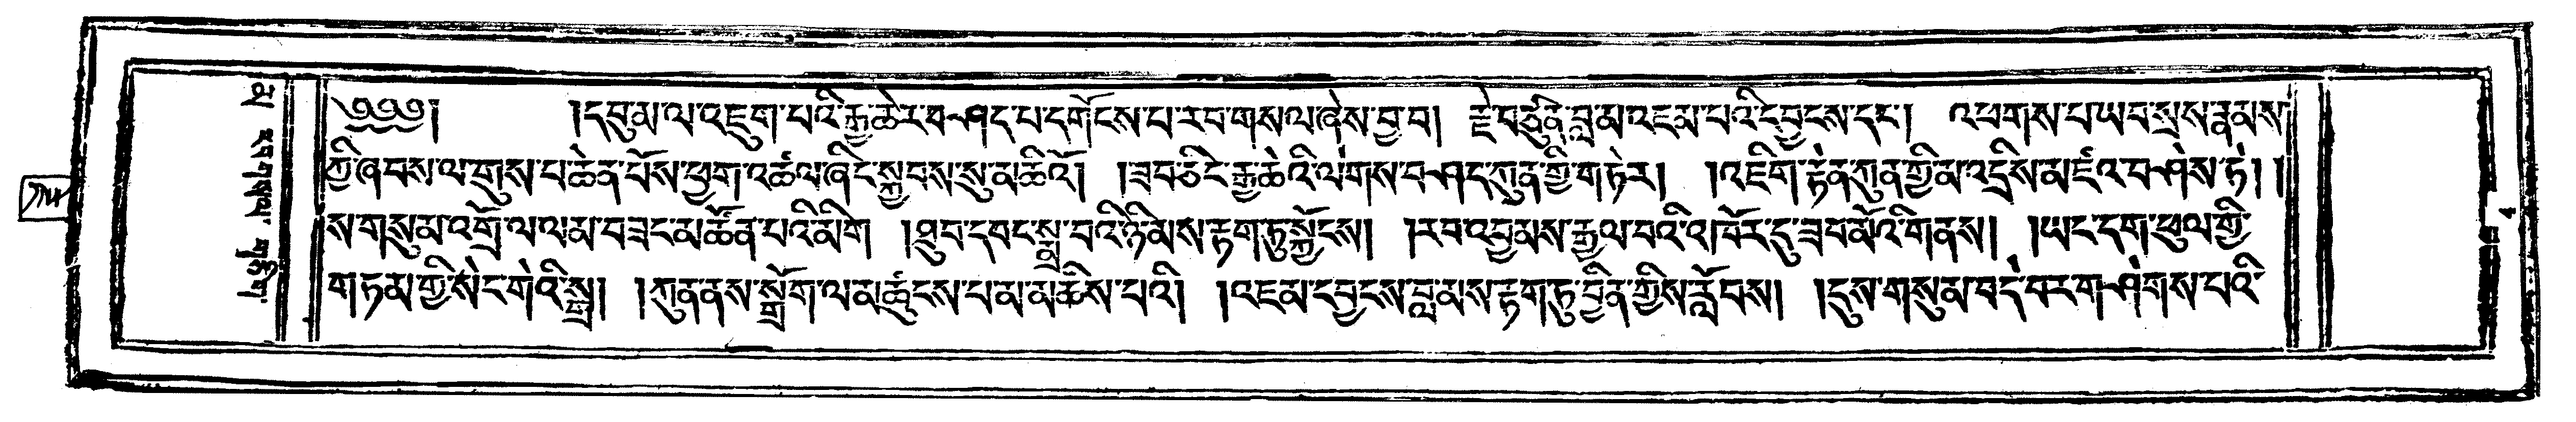༄༅༅། །དབུ་མ་ལ་འཇུག་པའི་རྒྱ་ཆེར་བཤད་པ་དགོངས་པ་རབ་གསལ་ཞེས་བྱ་བ། རྗེ་བཙུན་བླ་མ་འཇམ་པའི་དབྱངས་དང་། འཕགས་པ་ཡབ་སྲས་རྣམས་
ཀྱི་ཞབས་ལ་གུས་པ་ཆེན་པོས་ཕྱག་འཚལ་ཞིང་སྐྱབས་སུ་མཆིའོ། །ཟབ་ཅིང་རྒྱ་ཆེའི་ལེགས་བཤད་ཀུན་གྱི་གཏེར། །འཇིག་རྟེན་ཀུན་གྱི་མ་འདྲིས་མཛའ་བཤེས་ཏེ།།
ས་གསུམ་འགྲོ་ལ་ལམ་བཟང་མཚོན་པའི་མིག །ཐུབ་དབང་སྨྲ་བའི་ཉི་མས་རྟག་ཏུ་སྐྱོངས། །རབ་འབྱམས་རྒྱལ་བའི་འཁོར་དུ་ཟབ་མོའི་གནས། །ཡང་དག་ཕུལ་གྱི་
གཏམ་གྱི་སེང་གེའི་སྒྲ། །ཀུན་ནས་སྒྲོག་ལ་མཚུངས་པ་མ་མཆིས་པའི། །འཇམ་དབྱངས་བླ་མས་རྟག་ཏུ་བྱིན་གྱིས་རློབས། །དུས་གསུམ་བདེ་བར་གཤེགས་པའི་